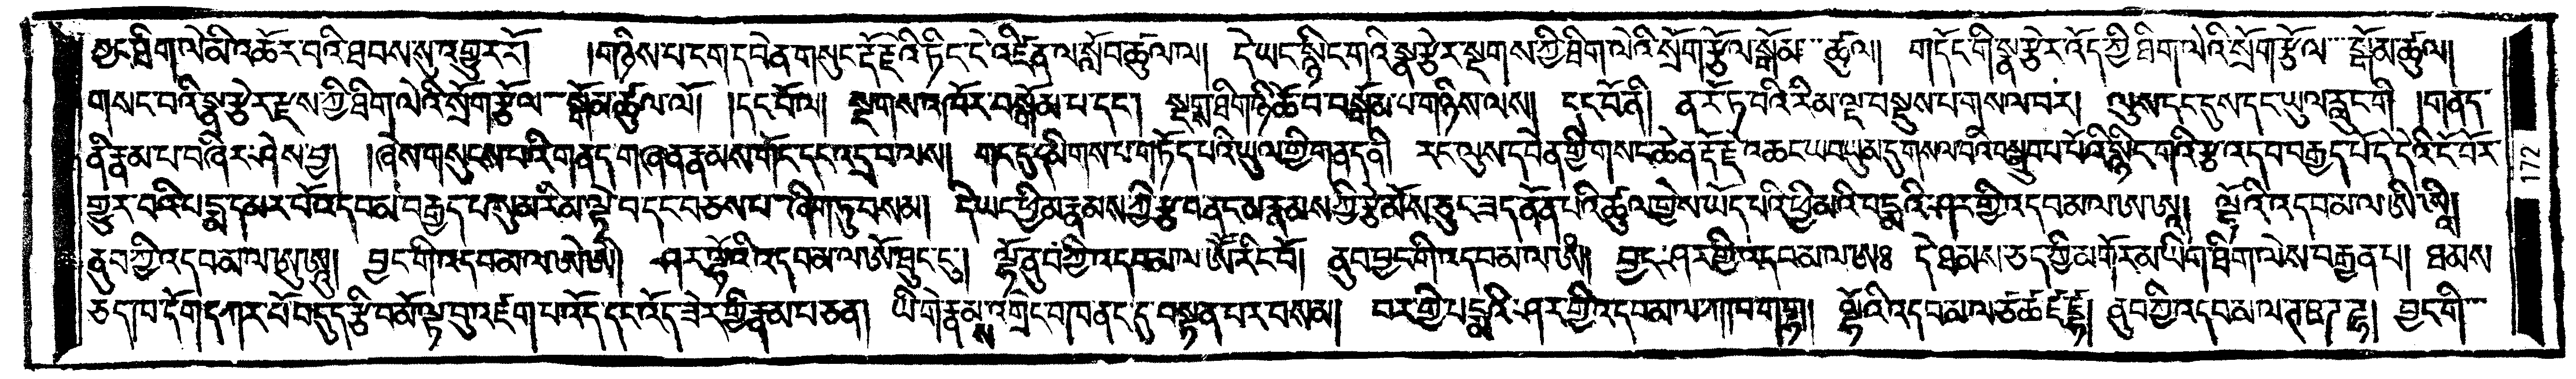ཀྱང་ཐིག་ལེ་མི་འཆོར་བའི་ཐབས་སུ་འགྱུར་རོ། །གཉིས་པ་ངག་དབེན་གསུང་རྡོ་རྗེའི་ཏིང་ངེ་འཛིན་ལ་སློབ་ཚུལ་ལ། དེ་ཡང་སྙིང་གའི་སྣ་རྩེར་སྔགས་ཀྱི་ཐིག་ལེའི་སྲོག་རྩོལ་སྒོམ་ཚུལ། གདོང་གི་སྣ་རྩེར་འོད་ཀྱི་ཐིག་ལེའི་སྲོག་རྩོལ་སྒོམ་ཚུལ།
གསང་བའི་སྣ་རྩེར་རྫས་ཀྱི་ཐིག་ལེའི་སྲོག་རྩོལ་སྒོམ་ཚུལ་ལོ། །དང་པོ་ལ། སྔགས་འཁོར་བསྒོམ་པ་དང་། སྔགས་ཐིག་ཉི་ཆོ་བ་བསྒོམ་པ་གཉིས་ལས། དང་པོ་ནི། ན་རོ་ཏ་བའི་རིམ་ལྔ་བསྡུས་པ་གསལ་བར། ལུས་དང་དུས་དང་ཡུལ་རླུང་གི །གནད་
ནི་རྣམ་པ་བཞིར་ཤེས་བྱ། །ཞེས་གསུངས་པའི་གནད་གཞན་རྣམས་གོང་དང་འདྲ་བ་ལས། གང་དུ་དམིགས་པ་གཏོད་པའི་ཡུལ་གྱི་གནད་ནི། རང་ལུས་དབེན་གྱི་གསང་ཆེན་རྡོ་རྗེ་འཆང་ཡབ་ཡུམ་དུ་གསལ་བའི་བསྒྲུབ་པ་པོའི་སྙིང་གའི་རྩ་འདབ་བརྒྱད་པོ་དེ་དེའི་ངོ་བོར་
གྱུར་བའི་པདམ་དམར་པོ་འདབ་མ་བརྒྱད་པ་སུམ་རིམ་ལྟེ་བ་དང་བཅས་པ་ཞིག་ཏུ་བསམ། དེ་ཡང་ཕྱི་མ་རྣམས་ཀྱི་རྩ་བ་ནང་མ་རྣམས་ཀྱི་རྩེ་མོས་ཅུང་ཟད་ནོན་པའི་ཚུལ་གྱིས་ཡོད་པའི་ཕྱི་མའི་པདམའི་ཤར་གྱི་འདབ་མ་ལ་ཨ་ཨཱ། ལྷོའི་འདབ་མ་ལ་ཨི་ཨཱི།
ནུབ་ཀྱི་འདབ་མ་ལ་ཨུ་ཨཱུ། བྱང་གི་འདབ་མ་ལ་ཨེ་ཨཻ། ཤར་ལྷོའི་འདབ་མ་ལ་ཨོ་ཐུང་ངུ། ལྷོ་ནུབ་ཀྱི་འདབ་མ་ལ་ཨཽ་རིང་བོ། ནུབ་བྱང་གི་འདབ་མ་ལ་ཨཾ། བྱང་ཤར་གྱི་འདབ་མ་ལ་ཨཿ དེ་ཐམས་ཅད་ཀྱི་མགོར་མ་ཡིག་ཐིག་ལེས་བརྒྱན་པ། ཐམས་
ཅད་ཁ་དོག་དཀར་པོ་བདུད་རྩིབ་མོ་ལྟ་བུ་འཛག་པ་འོད་དང་འོད་ཟེར་གྱི་རྣམ་པ་ཅན། ཡི་གེ་རྣམས་འགྲེང་བ་ཁ་ནང་དུ་བསྟན་པར་བསམ། བར་གྱི་པདམའི་ཤར་གྱི་འདབ་མ་ལ་ཀ་ཁ་ག་གྷ། ལྷོའི་འདབ་མ་ལ་ཙ་ཚ་ཛ་ཛྷ། ནུབ་ཀྱི་འདབ་མ་ལ་ཊ་ཊཿཨ་ཌ་ཌྷ། བྱང་གི་